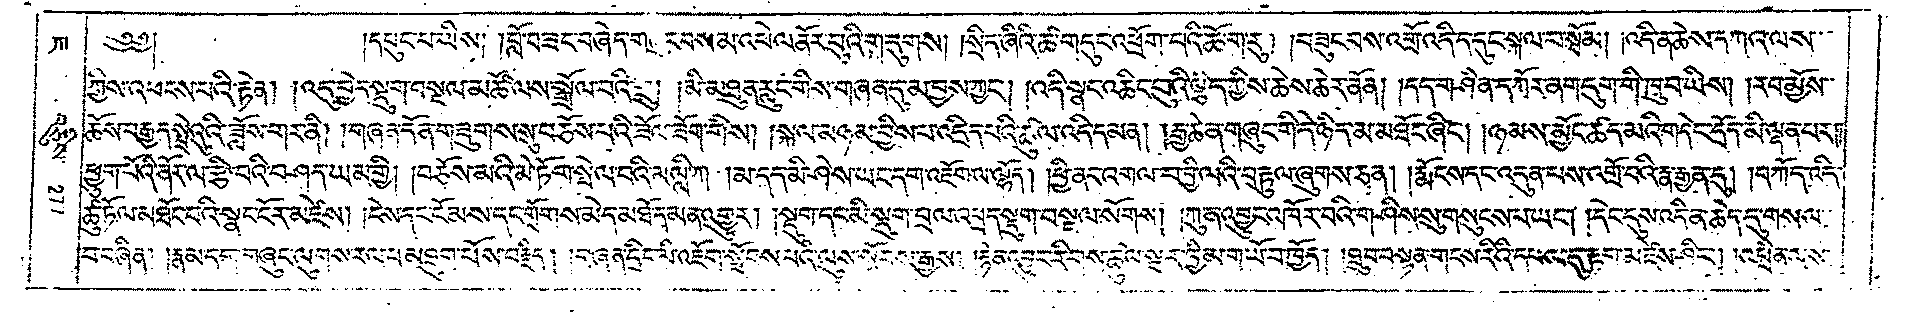༄༅། །དཔུང་པ་ཡིས། །བློ་བཟང་བཞེད་གཞུང་བསམ་འཕེལ་ནོར་བུའི་གདུགས། །སྲིད་ཞིའི་ཚ་གདུང་འཕྲོག་པའི་ཆོ་ག་རུ། །བཟུང་བས་འགྲོ་འདི་ད་དུང་སྐལ་བ་སྦོམ། །འདི་ན་ཆེས་དཀའ་ལས་
ཀྱིས་འཕངས་པའི་རྟེན། །འདུ་བྱེད་སྡུག་བསྔལ་མཚོ་ལས་སྒྲོལ་བའི་གྲུ། །མི་མཐུན་རླུང་གིས་གཞན་དུ་མ་བྱས་ཀྱང་། །འདི་སྣང་འཆིང་བུའི་ལྕིད་ཀྱིས་ཆེས་ཆེར་ནོན། །དད་གཤིན་དཀོར་ནག་དུག་གི་ཁུ་བ་ཡིས། །རབ་མྱོས་
ཆོས་བརྒྱད་སྤྲེའུའི་ཟློས་གར་ནི། །གཞན་དོན་གཟུགས་སུ་བཅོས་པའི་ཟོལ་ཟོག་གིས། །སྐལ་མཉམ་བྱིས་པ་འདྲིད་པའི་ཚུལ་འདི་དམན། །རྒྱ་ཆེན་གཞུང་གི་དེ་ཉིད་མ་མཐོང་ཞིང་། །ཉམས་མྱོང་ཚད་མའི་གདེང་དྲོད་མི་ལྡན་པར། །
ཕྱུག་པོའི་ནོར་ལ་རྩི་བའི་བཤད་ཡམ་གྱི། །བཅོས་མའི་མེ་ཏོག་སྤེལ་བའི་མལླི་ཀ །མ་དད་མི་ཤེས་ཡང་དག་འཇོག་ལ་ལྷོད། །ཕྱི་ནང་འགལ་བ་བྱི་ལའི་བརྟུལ་ཞུགས་ཅན། །རྨོངས་དང་འདུན་པས་འགྲོ་བའི་རྣ་རྒྱན་དུ། །བཀོད་འདི་
ཚུ་ཏོལ་མཐོང་བའི་སྣང་ངོར་མཛེས། །ངེས་དང་ངོམས་དང་གྲོགས་མེད་མཐོ་དམན་འགྱུར། །སྡུག་དང་མི་སྡུག་བྲལ་འཕྲད་སྡུག་བསྔལ་སོགས། །ཀུན་འབྱུང་འཁོར་བའི་གཤིས་སུ་གསུངས་པ་ཡང་། །དེང་དུས་འདི་ན་ཆེད་དུ་གསལ་
བ་བཞིན། །རྣམ་དག་གཞུང་ལུགས་རལ་པ་མཐུག་པོས་བརྗིད། །གཞན་དྲིང་མི་འཇོག་སྤོབས་པའི་ལུས་སྟོབས་རྒྱས། །རྟེན་འབྱུང་རིགས་ཚུལ་སྦར་ཁྱིམ་གཡོ་བ་ཁྱོད། །ཐུབ་བསྟན་གངས་རིའི་དཔལ་དུ་རྟག་མཛེས་ཤིང་། །འཕྲིན་ལས་